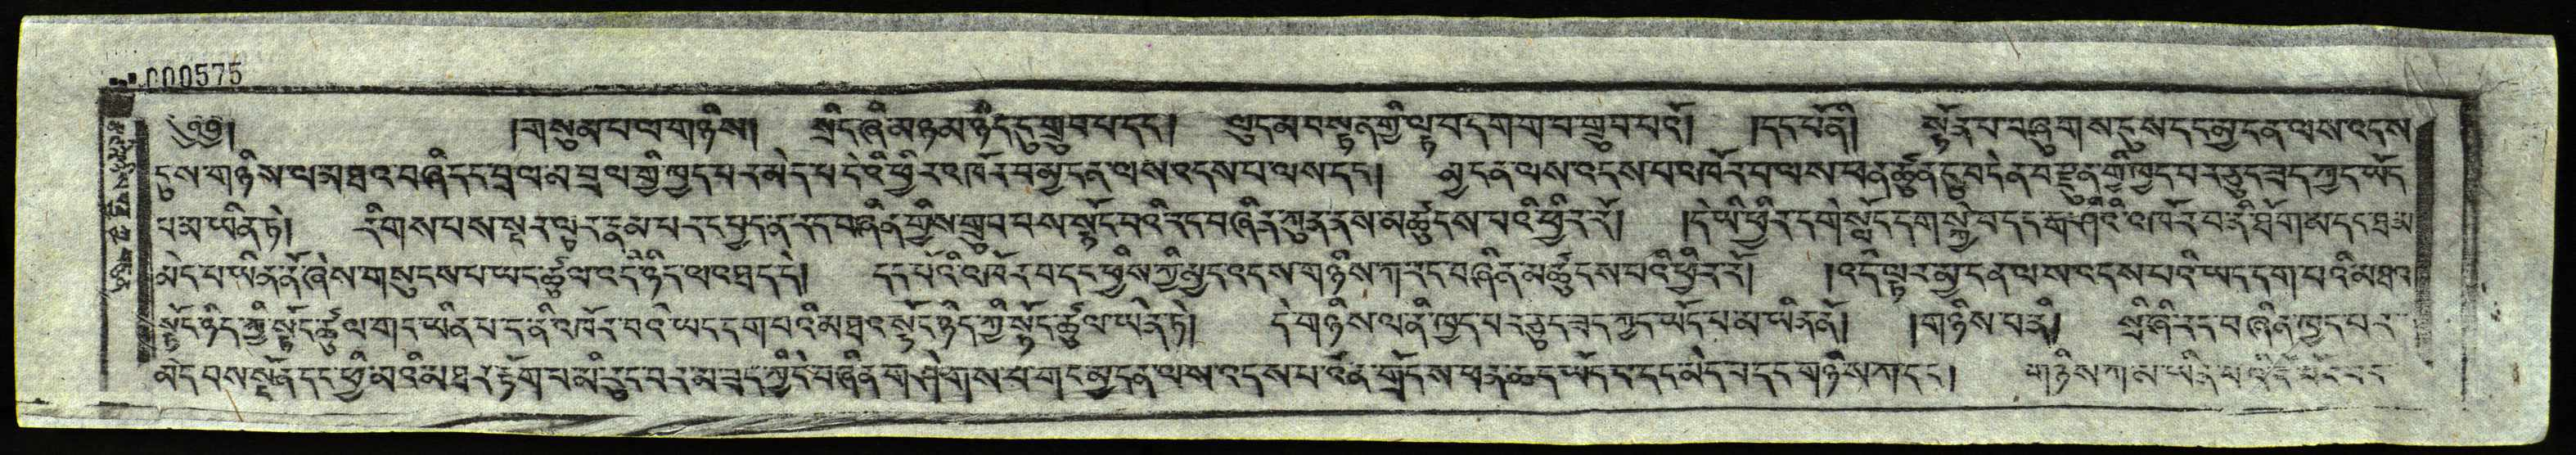༄༅། །གསུམ་པ་ལ་གཉིས། སྲིད་ཞི་མཉམ་ཉིད་དུ་གྲུབ་པ་དང་། ལུང་མ་བསྟན་གྱི་ལྟ་བ་དགག་པ་གྲུབ་པའོ། །དང་པོ་ནི། སྟོན་པ་བཞུགས་དུས་དང་མྱ་ངན་ལས་འདས་
དུས་གཉིས་ལ་མཐའ་བཞི་དང་བྲལ་མ་བྲལ་གྱི་ཁྱད་པར་མེད་པ་དེའི་ཕྱིར་འཁོར་བ་མྱ་ངན་ལས་འདས་པ་ལས་དང་། མྱ་ངན་ལས་འདས་པ་འཁོར་བ་ལས་ཕན་ཚུན་དུ་བདེན་བརྫུན་གྱི་ཁྱད་པར་ཅུང་ཟད་ཀྱང་ཡོད་
པ་མ་ཡིན་ཏེ། རིགས་པས་སྔར་ལྟར་རྣམ་པར་དཔྱད་ན་རང་བཞིན་གྱིས་གྲུབ་པས་སྟོང་པའི་རང་བཞིན་ཀུན་ནས་མཚུངས་པའི་ཕྱིར་རོ། །དེ་ཡི་ཕྱིར་དགེ་སློང་དག་སྐྱེ་བ་དང་རྒ་ཤིའི་འཁོར་བ་ནི་ཐོག་མ་དང་ཐ་མ་
མེད་པ་ཡིན་ནོ་ཞེས་གསུངས་པ་ཡང་ཚུལ་འདི་ཉིད་ལ་འཐད་དེ། དང་པོའི་འཁོར་བ་དང་ཕྱིས་ཀྱི་མྱང་འདས་གཉིས་ཀ་རང་བཞིན་མཚུངས་པའི་ཕྱིར་རོ། །འདི་ལྟར་མྱ་ངན་ལས་འདས་པའི་ཡང་དག་པའི་མཐའ་
སྟོང་ཉིད་ཀྱི་སྟོང་ཚུལ་གང་ཡིན་པ་ད་ནི་འཁོར་བའི་ཡང་དག་པའི་མཐའ་སྟོང་ཉིད་ཀྱི་སྟོང་ཚུལ་ཡིན་ཏེ། དེ་གཉིས་ལ་ནི་ཁྱད་པར་ཅུང་ཟད་ཀྱང་ཡོད་པ་མ་ཡིན་ནོ། །གཉིས་པ་ནི། སྲི་ཞི་རང་བཞིན་ཁྱད་པར་
མེད་པས་སྔོན་དང་ཕྱི་མའི་མཐར་རྟོག་པ་མི་རུང་བར་མ་ཟད་ཀྱི་དེ་བཞིན་གཤེགས་པ་གང་མྱ་ངན་ལས་འདས་པ་འོ་ན་གྲོངས་ཕན་ཆད་ཡོད་པ་དང་མེད་པ་དང་གཉིས་ཀ་དང་། གཉིས་ཀ་མ་ཡིན་པའི་ངོ་བོར་རང་